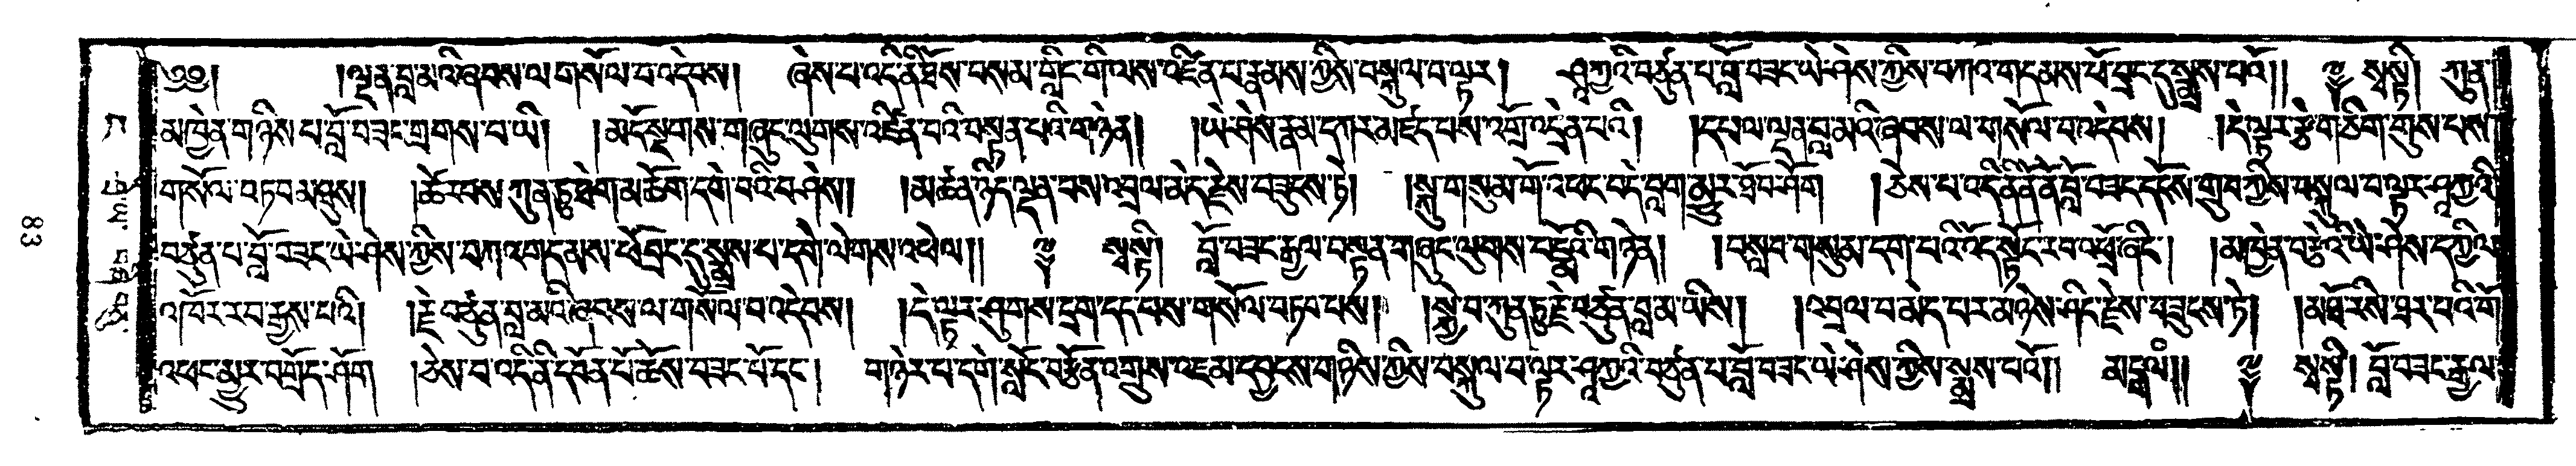༄༅། །ལྡན་བླ་མའི་ཞབས་ལ་གསོལ་བ་འདེབས། ཞེས་པ་འདི་ནི་ཐོས་བསམ་གླིང་གི་ལས་འཛིན་པ་རྣམས་ཀྱིས་བསྐུལ་བ་ལྟར། ཤཱཀྱའི་བཙུན་པ་བློ་བཟང་ཡེ་ཤེས་ཀྱིས་བཀའ་གདམས་ཕོ་བྲང་དུ་སྨྲས་པའོ།། ༈ སྭསྟི། ཀུན་
མཁྱེན་གཉིས་པ་བློ་བཟང་གྲགས་པ་ཡི། །མདོ་སྔགས་གཞུང་ལུགས་འཛིན་པའི་བསྟན་པའི་གཉེན། །ཡེ་ཤེས་རྣམ་དཀར་མཛད་པས་འགྲོ་འདྲེན་པའི། །དཔལ་ལྡན་བླ་མའི་ཞབས་ལ་གསོལ་བ་འདེབས། །དེ་ལྟར་རྩེ་གཅིག་གུས་པས་
གསོལ་བཏབ་མཐུས། །ཚེ་རབས་ཀུན་ཏུ་ཐེག་མཆོག་དགེ་བའི་བཤེས། །མཚན་ཉིད་ལྡན་བས་འབྲལ་མེད་རྗེས་བཟུངས་ཏེ། །སྐུ་གསུམ་གོ་འཕང་བདེ་བླག་མྱུར་ཐོབ་ཤོག །ཅེས་པ་འདི་ནི་ནོ་ནོ་བློ་བཟང་དངོས་གྲུབ་ཀྱིས་བསྐུལ་བ་ལྟར་ཤཱཀྱའི་
བཙུན་པ་བློ་བཟང་ཡེ་ཤེས་ཀྱིས་བཀའ་གདམས་ཕོ་བྲང་དུ་སྨྲས་པ་དགེ་ལེགས་འཕེལ།། ༈ སྭསྟི། བློ་བཟང་རྒྱལ་བསྟན་གཞུང་ལུགས་པདམོའི་གཉེན། །བསླབ་གསུམ་དག་པའི་འོད་སྟོང་རབ་འཕྲོ་ཞིང་། །མཁྱེན་བརྩེའི་ཡེ་ཤེས་དཀྱིལ་
འཁོར་རབ་རྒྱས་པའི། །རྗེ་བཙུན་བླ་མའི་ཞབས་ལ་གསོལ་བ་འདེབས། །དེ་ལྟར་ཤུགས་དྲག་དད་པས་གསོལ་བཏབ་པས། །སྐྱེ་བ་ཀུན་ཏུ་རྗེ་བཙུན་བླ་མ་ཡིས། །འབྲལ་བ་མེད་པར་མཉེས་ཤིང་རྗེས་བཟུངས་ཏེ། །མཐོ་རིས་ཐར་པའི་གོ་
འཕང་མྱུར་བགྲོད་ཤོག །ཅེས་པ་འདི་ནི་དབོན་པོ་ཆོས་བཟང་པོ་དང་། གཉེར་པ་དགེ་སློང་བརྩོན་འགྲུས་འཇམ་དབྱངས་གཉིས་ཀྱིས་བསྐུལ་བ་ལྟར་ཤཱཀྱའི་བཙུན་པ་བློ་བཟང་ཡེ་ཤེས་ཀྱིས་སྨྲས་པའོ།། མངྒལཾ།། ༈ སྭསྟི། བློ་བཟང་རྒྱལ་